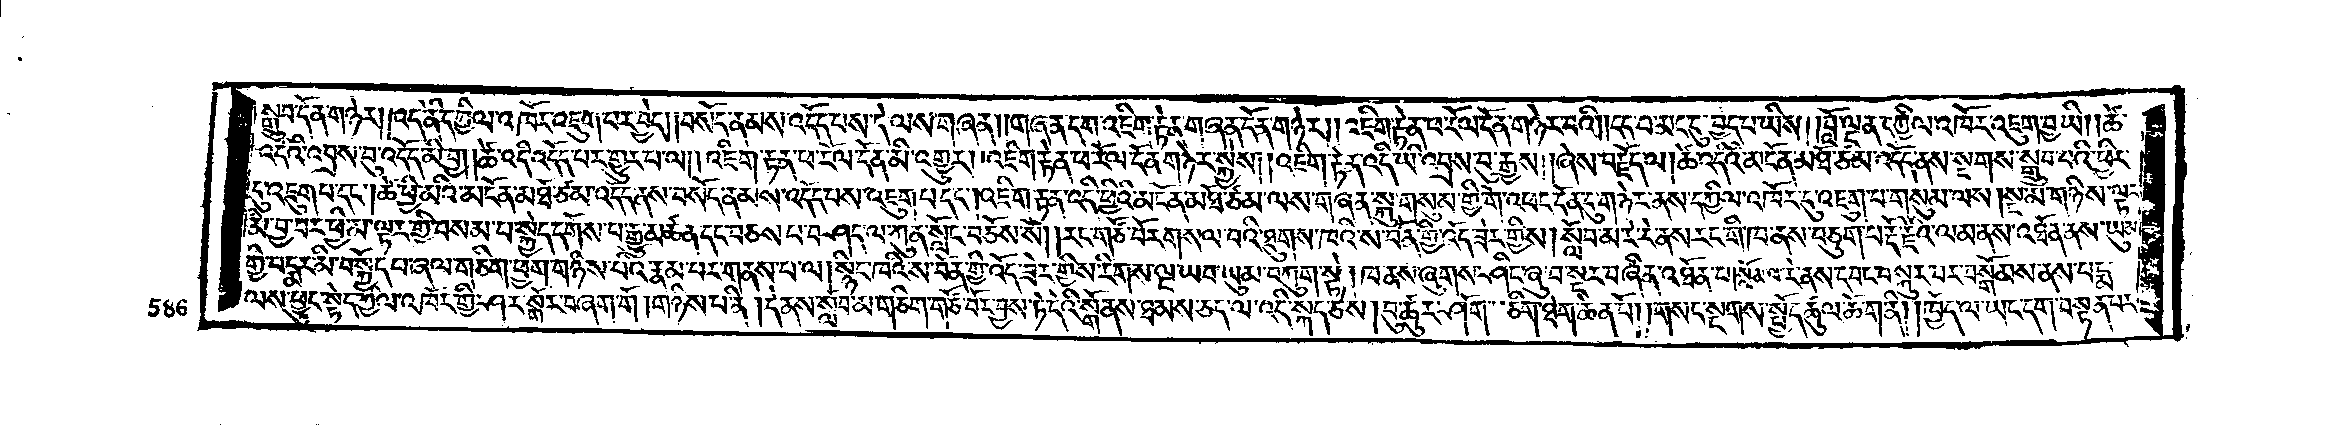སྒྲུབ་དོན་གཉེར། །འདི་ནི་དཀྱིལ་འཁོར་འཇུག་པར་བྱེད། །བསོད་ནམས་འདོད་པས་དེ་ལས་གཞན། །གཞན་དག་འཇིག་རྟེན་གཞན་དོན་གཉེར། །འཇིག་རྟེན་ཕ་རོལ་དོན་གཉེར་བའི། །དད་པ་མང་དུ་བྱེད་པ་ཡིས། །བློ་ལྡན་དཀྱིལ་འཁོར་འཇུག་བྱ་ཡི། །ཚེ་
འདིའི་འབྲས་བུ་འདོད་མི་བྱ། །ཚེ་འདི་འདོད་པར་གྱུར་པ་ལ། །འཇིག་རྟེན་ཕ་རོལ་དོན་མི་འགྱུར། །འཇིག་རྟེན་ཕ་རོལ་དོན་གཉེར་སྐྱེས། །འཇིག་རྟེན་འདི་ཡི་འབྲས་བུ་རྒྱས། །ཞེས་བརྗོད་ལ། ཚེ་འདིའི་མངོན་མཐོ་ཙམ་འདོད་ནས་སྔགས་སྒྲུབ་པའི་ཕྱིར་
དུ་འཇུག་པ་དང་། ཚེ་ཕྱི་མའི་མངོན་མཐོ་ཙམ་འདོད་ནས་བསོད་ནམས་འདོད་པས་འཇུག་པ་དང་། འཇིག་རྟེན་འདི་ཕྱིའི་མངོན་མཐོ་ཙམ་ལས་གཞན་སྐུ་གསུམ་གྱི་གོ་འཕང་དོན་དུ་གཉེར་ནས་དཀྱིལ་འཁོར་དུ་འཇུག་པ་གསུམ་ལས། སྔ་མ་གཉིས་ལྟར་
མི་བྱ་བར་ཕྱི་མ་ལྟར་གྱི་བསམ་པ་སྐྱེད་དགོས་པ་རྒྱུ་མཚན་དང་བཅས་པ་བཤད་ལ་ཀུན་སློང་བཅོས་སོ། །རང་གཙོ་བོར་གསལ་བའི་ཐུགས་ཁའི་ས་བོན་གྱི་འོད་ཟེར་གྱིས། །སློབ་མ་རེ་རེ་ནས་རང་གི་ཁ་ནས་བཅུག་པ་རྡོ་རྗེའི་ལམ་ནས་འཐོན་ནས་ཡུམ་
གྱི་པདམར་མི་བསྐྱོད་པ་ཞལ་གཅིག་ཕྱག་གཉིས་པའི་རྣམ་པར་གནས་པ་ལ། སྙིང་ཁའི་ས་བོན་གྱི་འོད་ཟེར་གྱིས་རིགས་ལྔ་ཡབ་ཡུམ་བཀུག་སྟེ། ཁ་ནས་ཞུགས་ཤིང་ཞུ་བ་སྔར་བཞིན་འཐོན་པ། སློབ་མ་ལ་རེ་ནས་དབང་བསྐུར་བར་བསྒོམས་ནས་པདམ་
ལས་ཕྱུང་སྟེ་དཀྱིལ་འཁོར་གྱི་ཤར་སྒོར་བཞག་གོ །གཉིས་པ་ནི། དེ་ནས་སློབ་མ་གཅིག་གཙོ་བོར་བྱས་ཏེ་དེའི་སྒོ་ནས་ཐམས་ཅད་ལ་འདི་སྐད་ཅེས། བུ་ཚུར་ཤོག་ཅིག་ཐེག་ཆེན་པོ། །གསང་སྔགས་སྤྱོད་ཚུལ་ཆོ་ག་ནི། །ཁྱོད་ལ་ཡང་དག་བསྟན་པར་